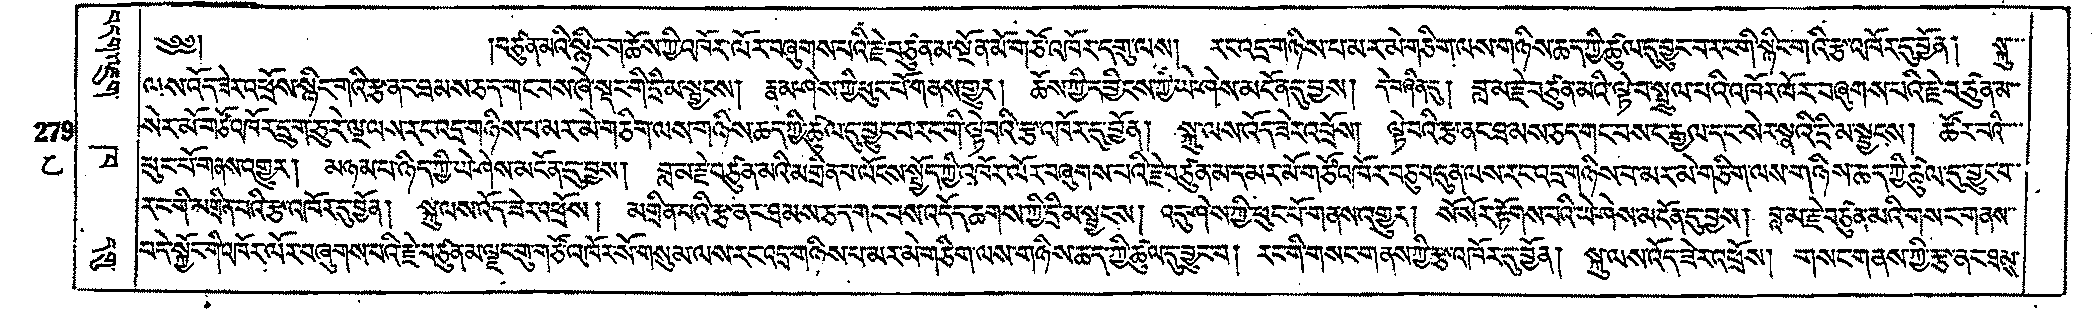༄༅། །བཙུན་མའི་སྙིང་ག་ཆོས་ཀྱི་འཁོར་ལོར་བཞུགས་པའི་རྗེ་བཙུན་མ་སྔོན་མོ་གཙོ་འཁོར་དགུ་ལས། རང་འདྲ་གཉིས་པ་མར་མེ་གཅིག་ལས་གཉིས་ཆད་ཀྱི་ཚུལ་དུ་བྱུང་བ་རང་གི་སྙིང་གའི་རྩ་འཁོར་དུ་བྱོན། སྐུ་་་
ལས་འོད་ཟེར་འཕྲོས་སྙིང་གའི་རྩ་ནང་ཐམས་ཅད་གང་བས་ཞེ་སྡང་གི་དྲི་མ་སྦྱངས། རྣམ་ཤེས་ཀྱི་ཕུང་པོ་གནས་གྱུར། ཆོས་ཀྱི་དབྱིངས་ཀྱི་ཡེ་ཤེས་མངོན་དུ་བྱས། དེ་བཞིན་དུ།  བླ་མ་རྗེ་བཙུན་མའི་ལྟེ་བ་སྤྲུལ་པའི་འཁོར་ལོར་བཞུགས་པའི་རྗེ་བཙུན་མ་་་
སེར་མོ་གཙོ་འཁོར་དྲུག་ཅུ་རེ་ལྔ་ལས་རང་འདྲ་གཉིས་པ་མར་མེ་གཅིག་ལས་གཉིས་ཆད་ཀྱི་ཚུལ་དུ་བྱུང་བ་རང་གི་ལྟེ་བའི་རྩ་འཁོར་དུ་བྱོན། སྐུ་ལས་འོད་ཟེར་འཕྲོས། ལྟེ་བའི་རྩ་ནང་ཐམས་ཅད་གང་བས་ང་རྒྱལ་དང་སེར་སྣའི་དྲི་མ་སྦྱངས། ཚོར་བའི་་་
ཕུང་པོ་གནས་འགྱུར། །མཉམ་པ་ཉིད་ཀྱི་ཡེ་ཤེས་མངོན་དུ་བྱས། བླ་མ་རྗེ་བཙུན་མའི་མགྲིན་པ་ལོངས་སྤྱོད་ཀྱི་འཁོར་ལོར་བཞུགས་པའི་རྗེ་བཙུན་མ་དམར་མོ་གཙོ་འཁོར་བཅུ་བདུན་ལས་རང་འདྲ་གཉིས་པ་མར་མེ་གཅིག་ལས་གཉིས་ཆད་ཀྱི་ཚུལ་དུ་བྱུང་བ་་་
རང་གི་མགྲིན་པའི་རྩ་འཁོར་དུ་བྱོན། སྐུ་ལས་འོད་ཟེར་འཕྲོས། མགྲིན་པའི་རྩ་ནང་ཐམས་ཅད་གང་བས་འདོད་ཆགས་ཀྱི་དྲི་མ་སྦྱངས། འདུ་ཤེས་ཀྱི་ཕུང་པོ་གནས་འགྱུར། སོ་སོར་རྟོགས་པའི་ཡེ་ཤེས་མངོན་དུ་བྱས། བླ་མ་རྗེ་བཙུན་མའི་གསང་གནས་་་
བདེ་སྐྱོང་གི་འཁོར་ལོར་བཞུགས་པའི་རྗེ་བཙུན་མ་ལྗང་གུ་གཙོ་འཁོར་སོ་གསུམ་ལས་རང་འདྲ་གཉིས་པ་མར་མེ་གཅིག་ལས་གཉིས་ཆད་ཀྱི་ཚུལ་དུ་བྱུང་བ། རང་གི་གསང་གནས་ཀྱི་རྩ་འཁོར་དུ་བྱོན། སྐུ་ལས་འོད་ཟེར་འཕྲོས། གསང་གནས་ཀྱི་རྩ་ནང་ཐམས་